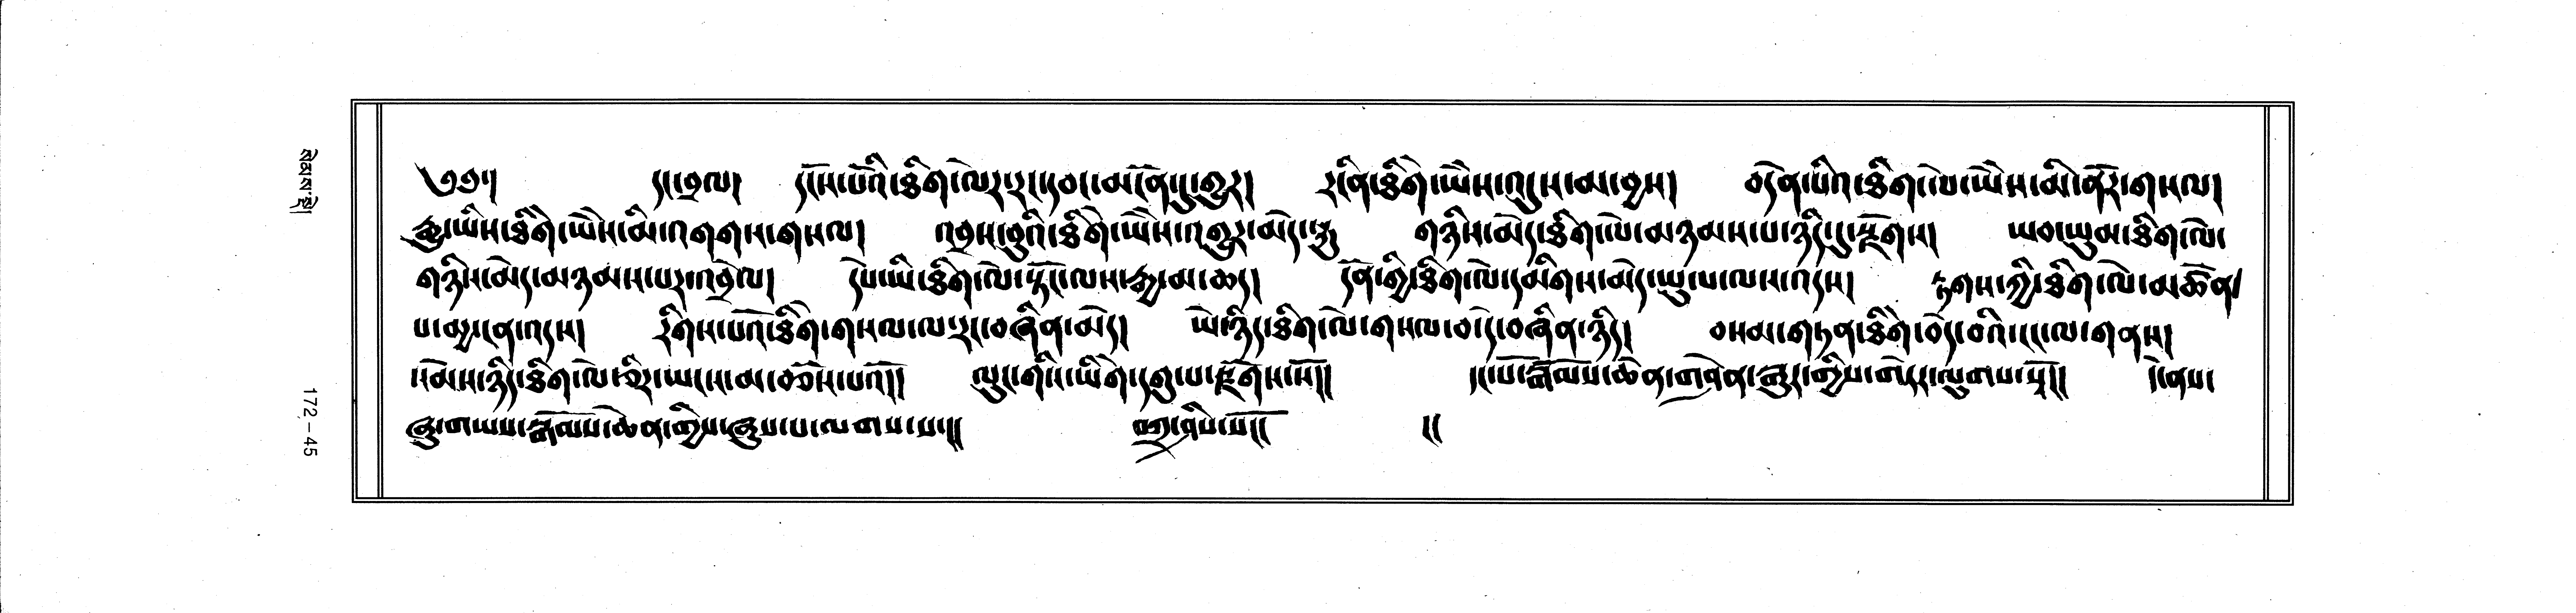དང་བྲལ། དངོས་པོའི་ཐིག་ལེར་རང་དབང་མངོན་དུ་གྱུར། རང་བཞིན་ཐིག་ལེ་ཡེ་ཤེས་འདུས་མ་བྱས། བདེན་པའི་ཐིག་ལེ་ཡེ་ཤེས་མི་ནོར་གསལ། 
རྒྱུ་ཡིས་ཐིག་ལེ་ཡེ་ཤེས་མི་འགགས་གསལ། འབྲས་བུའི་ཐིག་ལེ་ཡེ་ཤེས་འགྱུར་མེད་སྐུ། གཉིས་མེད་ཐིག་ལེ་མཉམས་པ་ཉིད་དུ་རྫོགས། ཡབ་ཡུམ་ཐིག་ལེ་
གཉིས་མེད་མཉམ་པར་འབྲེལ། དཔེ་ཡི་ཐིག་ལེ་སྟོང་ལས་རྒྱ་མ་ཆད། དོན་གྱི་ཐིག་ལེ་དམིགས་མེད་ཡུལ་ལས་འདས། རྟགས་ཀྱི་ཐིག་ལེ་མཚོན་
པ་མྱ་ངན་འདས། རིགས་པའི་ཐིག་ལེ་གསལ་ལ་རང་བཞིན་མེད། ཡེ་ཉིད་ཐིག་ལེ་གསལ་བ་དེ་བཞིན་ཉིད། བསམ་གཏན་ཐིག་ལེ་བདེ་བའི་ངང་ལ་གནས། 
སེམས་ཉིད་ཐིག་ལེ་ཅིར་ཡང་མ་བཅོས་པའོ། ལུང་གིས་ཡི་གེ་དགུ་པ་རྫོགས་སྭོ། དང་པོ་སྒོམས་ཆེན་གཤེན་སྒུར་གྱིས་གཏེར་ལུགས་སྭོ། དེ་ནས་
ཞུ་གཡས་སྒོམ་ཆེན་གྱིས་ཞུས་པ་ལགས་སོ།། །།བཀྲ་ཤིས་སྭོ།